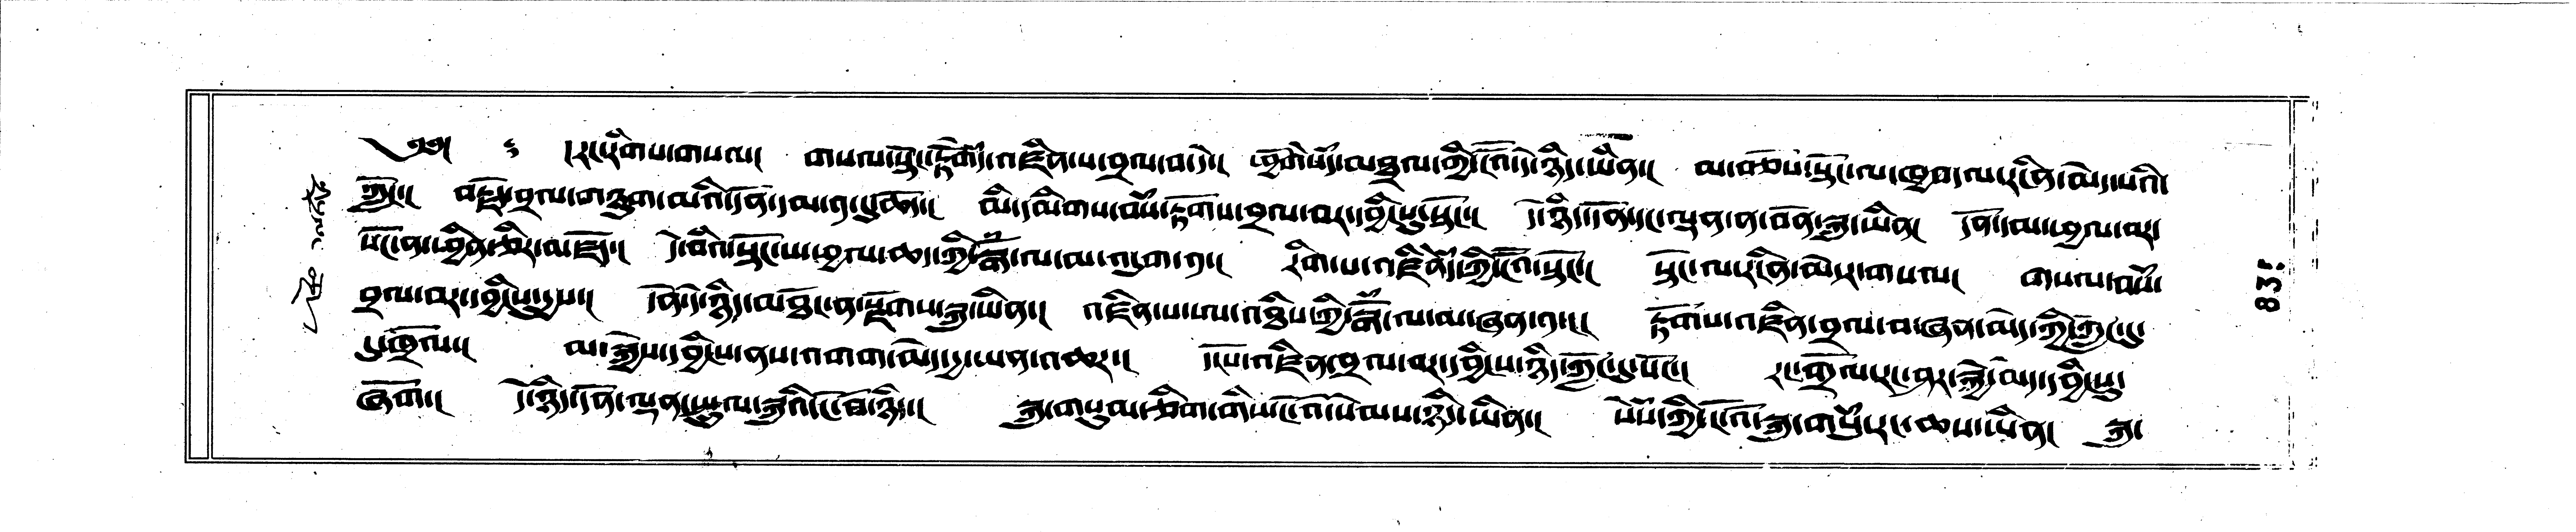རང་རིག་གསལ། གསལ་སྟོང་རྟོག་མེད་འཛིན་པ་བྲལ་བ་དེ། ཕྱོགས་མེད་མཐའ་བྲལ་གྱི་ངོའོ་དེ་ཉིད་ཡིན། མ་བཅོས་སྟོང་ལ་ཁྱབ་བདལ་རང་བཞིན་མེད་པའི་
ཀློང་། བརྗོད་བྲལ་གཉུག་མའི་དོན་དམ་གཅིག་ཏུ་ཆོད། མི་དམིགས་བསམ་རྟོག་བྲལ་བར་དབྱིངས་སུ་སྟོང་། དེ་ཉིད་དོན་དང་ལྡན་ན་བོན་སྐུ་ཡིན། དོན་དམ་ཕྱལ་བར་
སོང་ན་ཕྱིན་ཅིར་མཛོད། དེ་བས་སྟོང་པ་ཕྱལ་ཆད་ཀྱི་སྒོམ་ལ་མ་འདུག་ཅིག རིག་པ་འཛིན་མེད་ཀྱི་ངོའོ་སྟོང་། སྟོང་ལ་རང་བཞིན་མེད་པར་གསལ། གསལ་བསམ་
བྲལ་བར་དབྱིངས་སུ་རྒྱས། དོན་དེ་ཉིད་མཐོང་ན་རྫོགས་སྐུ་ཡིན། འཛིན་པ་ཨ་འཐས་ཀྱི་སྒོམ་ལ་མ་ཞེན་ཅིག རྟོག་འཛིན་བྲལ་བ་ཞེན་མེད་ཀྱི་ཀློངདུ་
ཁྲོལ། མ་སྐྱེས་དབྱིངས་ནས་འགག་མེད་རྒྱ་ཡན་འཆར། །དངོས་འཛིན་བྲལ་བར་དབྱིངས་ཉིད་ཀློང་དུ་སོང་། །རང་གྲོལ་རང་ཤར་སྐྱེ་མེད་དབྱིངས་སུ་
ཞོག །དེ་ཉིད་དོན་ལྡན་སྤྲུལ་སྐུའི་ངོའོ་ཉིད། །སྐུ་གསུམ་གཅིག་གི་ངོའོ་སེམས་ཉིད་ཡིན། །སེམས་ཀྱི་ངོའོ་སྐུ་གསུམ་རང་ཆས་ཡིན། །སྐུ་